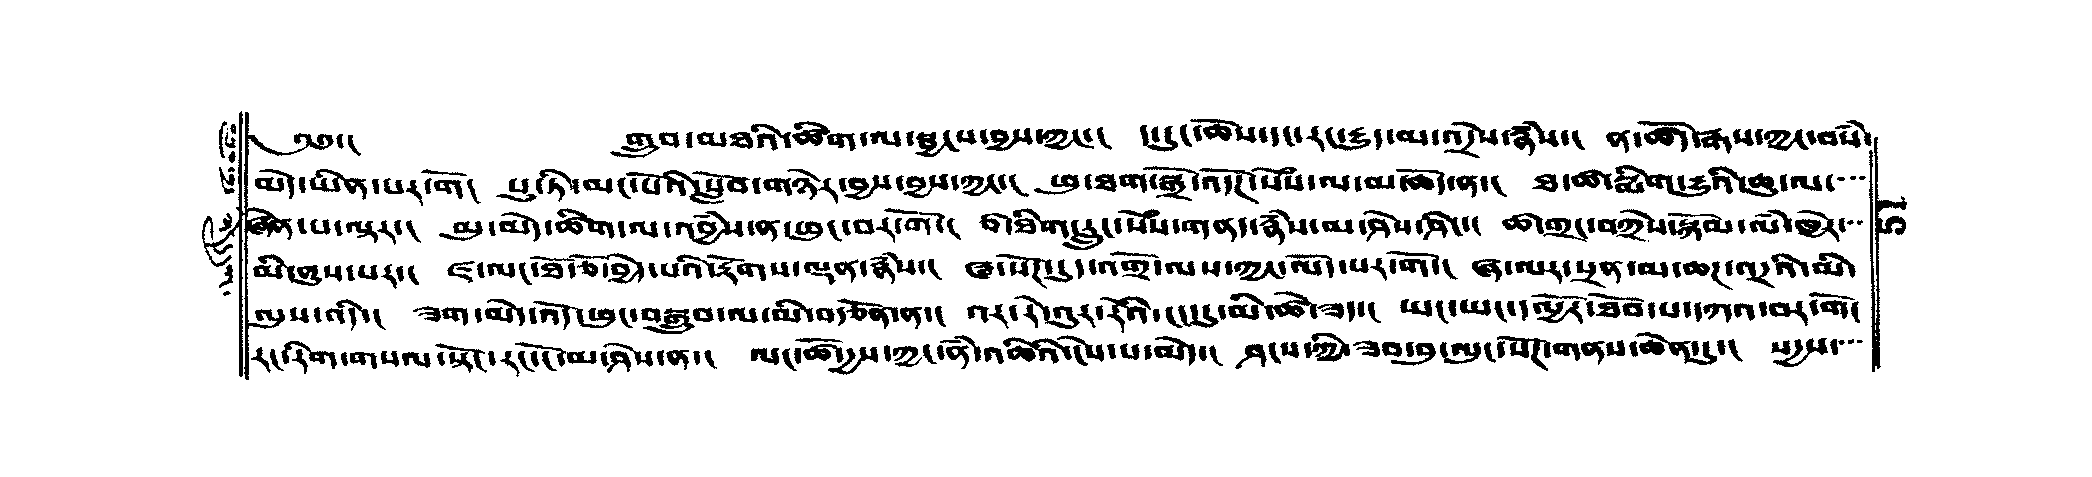གྲུབ་མཐའི་ཚིག་ལ་སྦྱངས་བྱས་ཀྱང་། །ད་དུང་ཆོས་དང་རང་རྒྱུད་མ་འདྲེས་རྣམས། །ན་ཚོད་རྒས་ཀྱང་བསམ་
མེད་ཡིན་པར་གོ། །པུ་ཏི་མང་པོའི་སློབ་གཉེར་བྱས་བྱས་ཀྱང་། །ཕུ་ཐག་སྒྲོ་འདོགས་སེམས་ལ་མ་ཆོད་ན། །བ་ཚཱ་སྨིག་རྒྱུའི་ཆུ་ལ་
ཞེན་པ་ལྟར། །མུ་མེད་ཚིག་ལ་འབྱམས་ན་ཕུང་བར་གོ། །ཙ་ཐིག་རླུང་སེམས་གནད་རྣམས་མ་ཤེས་ཤིང་། །ཚ་གྲང་བཀྲེས་སྐོམ་ལམ་ཁྱེར་
མི་ནུས་པར། །ཛ་ལང་ཐོ་ཅོ་བྱེད་པའི་རྟོགས་ལྡན་རྣམས། །ཝ་སོགས་དུད་འགྲོ་ལས་ཀྱང་ལོད་པར་གོ། །ཞ་ལར་སྲན་མ་ཆགས་འདྲའི་མི་
ལུས་འདི། །ཟག་མེད་འོད་ཕུང་བསྒྲུབ་ལ་མི་བརྩོན་ན། །འར་རེ་འུར་རེའི་ངང་དུ་མི་ཚེ་ཟད་། །ཡང་ཡང་ལོངས་སྤྱོད་ཐོབ་པ་དཀའ་བར་གོ། །
རང་རིག་གསལ་སྟོང་རང་ངོ་མ་ཤེས་ན། །ལང་ཚོ་རྒྱས་ཀྱང་ནམ་འཆི་ངེས་པ་མེད། །ཤངས་ཀྱི་ཟབ་བུ་ལུང་སོགས་གནས་ཆེན་དུ། །སངས་རྒྱས་